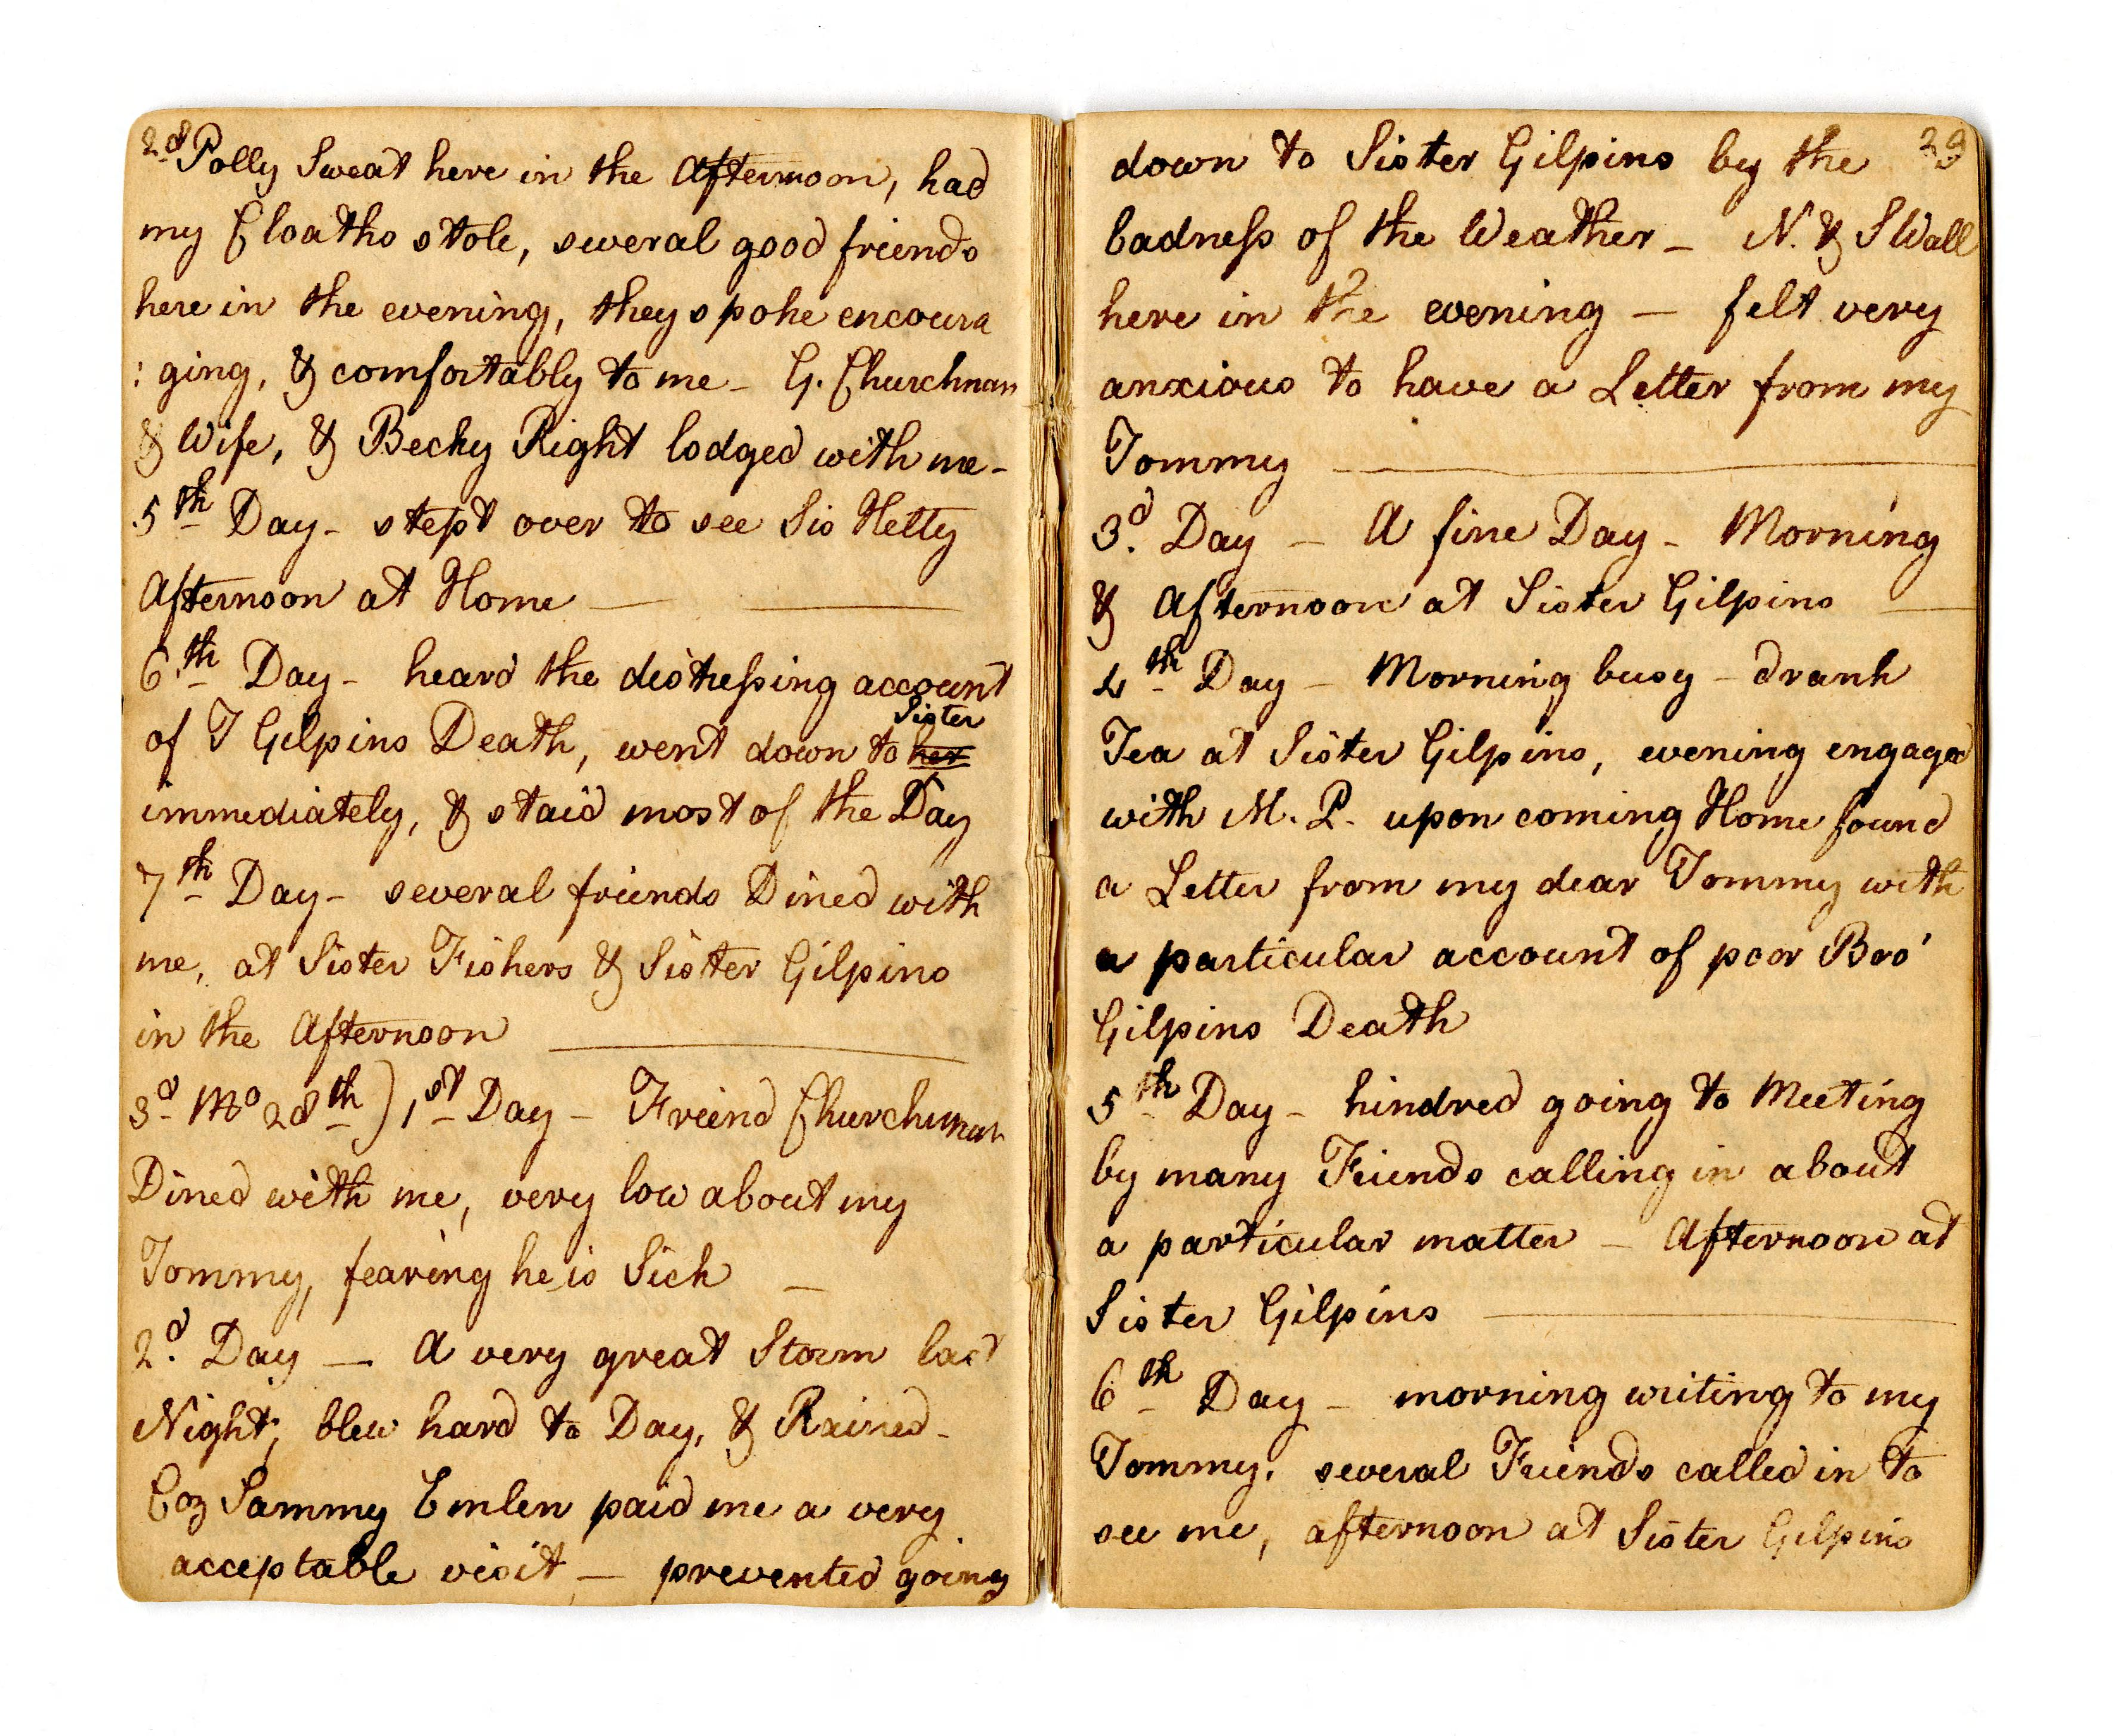28
Polly Sweat here in the Afternoon, has
my Cloaths stole, several good friends
here in the evening, they spoke encoura
-ging, & comfortably to me- G. Churchnan
& Wife, & Becky Right lodged with me-
5^th Day- stept over to see Sis Hetty
Afternoon at Home-
6^th Day- heard the distressing account
Sister
of T Gilpins Death, went down to her
immediately, & staid most of the Day
7^th Day- several friends Dined with
me, at Sister Fishers & Sister Gilpins
in the Afternoon
3^d M^o 28^th) 1^st Day- Friend Churchiman
Dined with me, very low about my
Tommy, fearing he is Sick-
2^d. Day- A very great Storm last
Night, blew hard to Day, & Rained-
Coz Sammy Emlen paid me a very
arceptable visit- prevented going
29
down to Sister Gilpins by the
badness of the Weather- N. & S Wall
here in the evening- felt very
anxious to have a Letter from my
Tommy-
3^d. Day- A fine Day- Morning
& Afternoon at Sister Gilpins-
4^th Day- Morning busy- drank
Tea at Sister Gilpins, evening engaged
with M. P. upon coming Home found
a Letter from my dear Tommy with
a particular account of poor Bro'
Gilpins Death
5^th Day- hindred going to Meeting
by many Friends calling in about
a particular matter,- Afternoon at
Sister Gilpins-
6^th- Day- morning writing to my
Tommy, several Friends called in to
see me, afternoon at Sister Gilpins